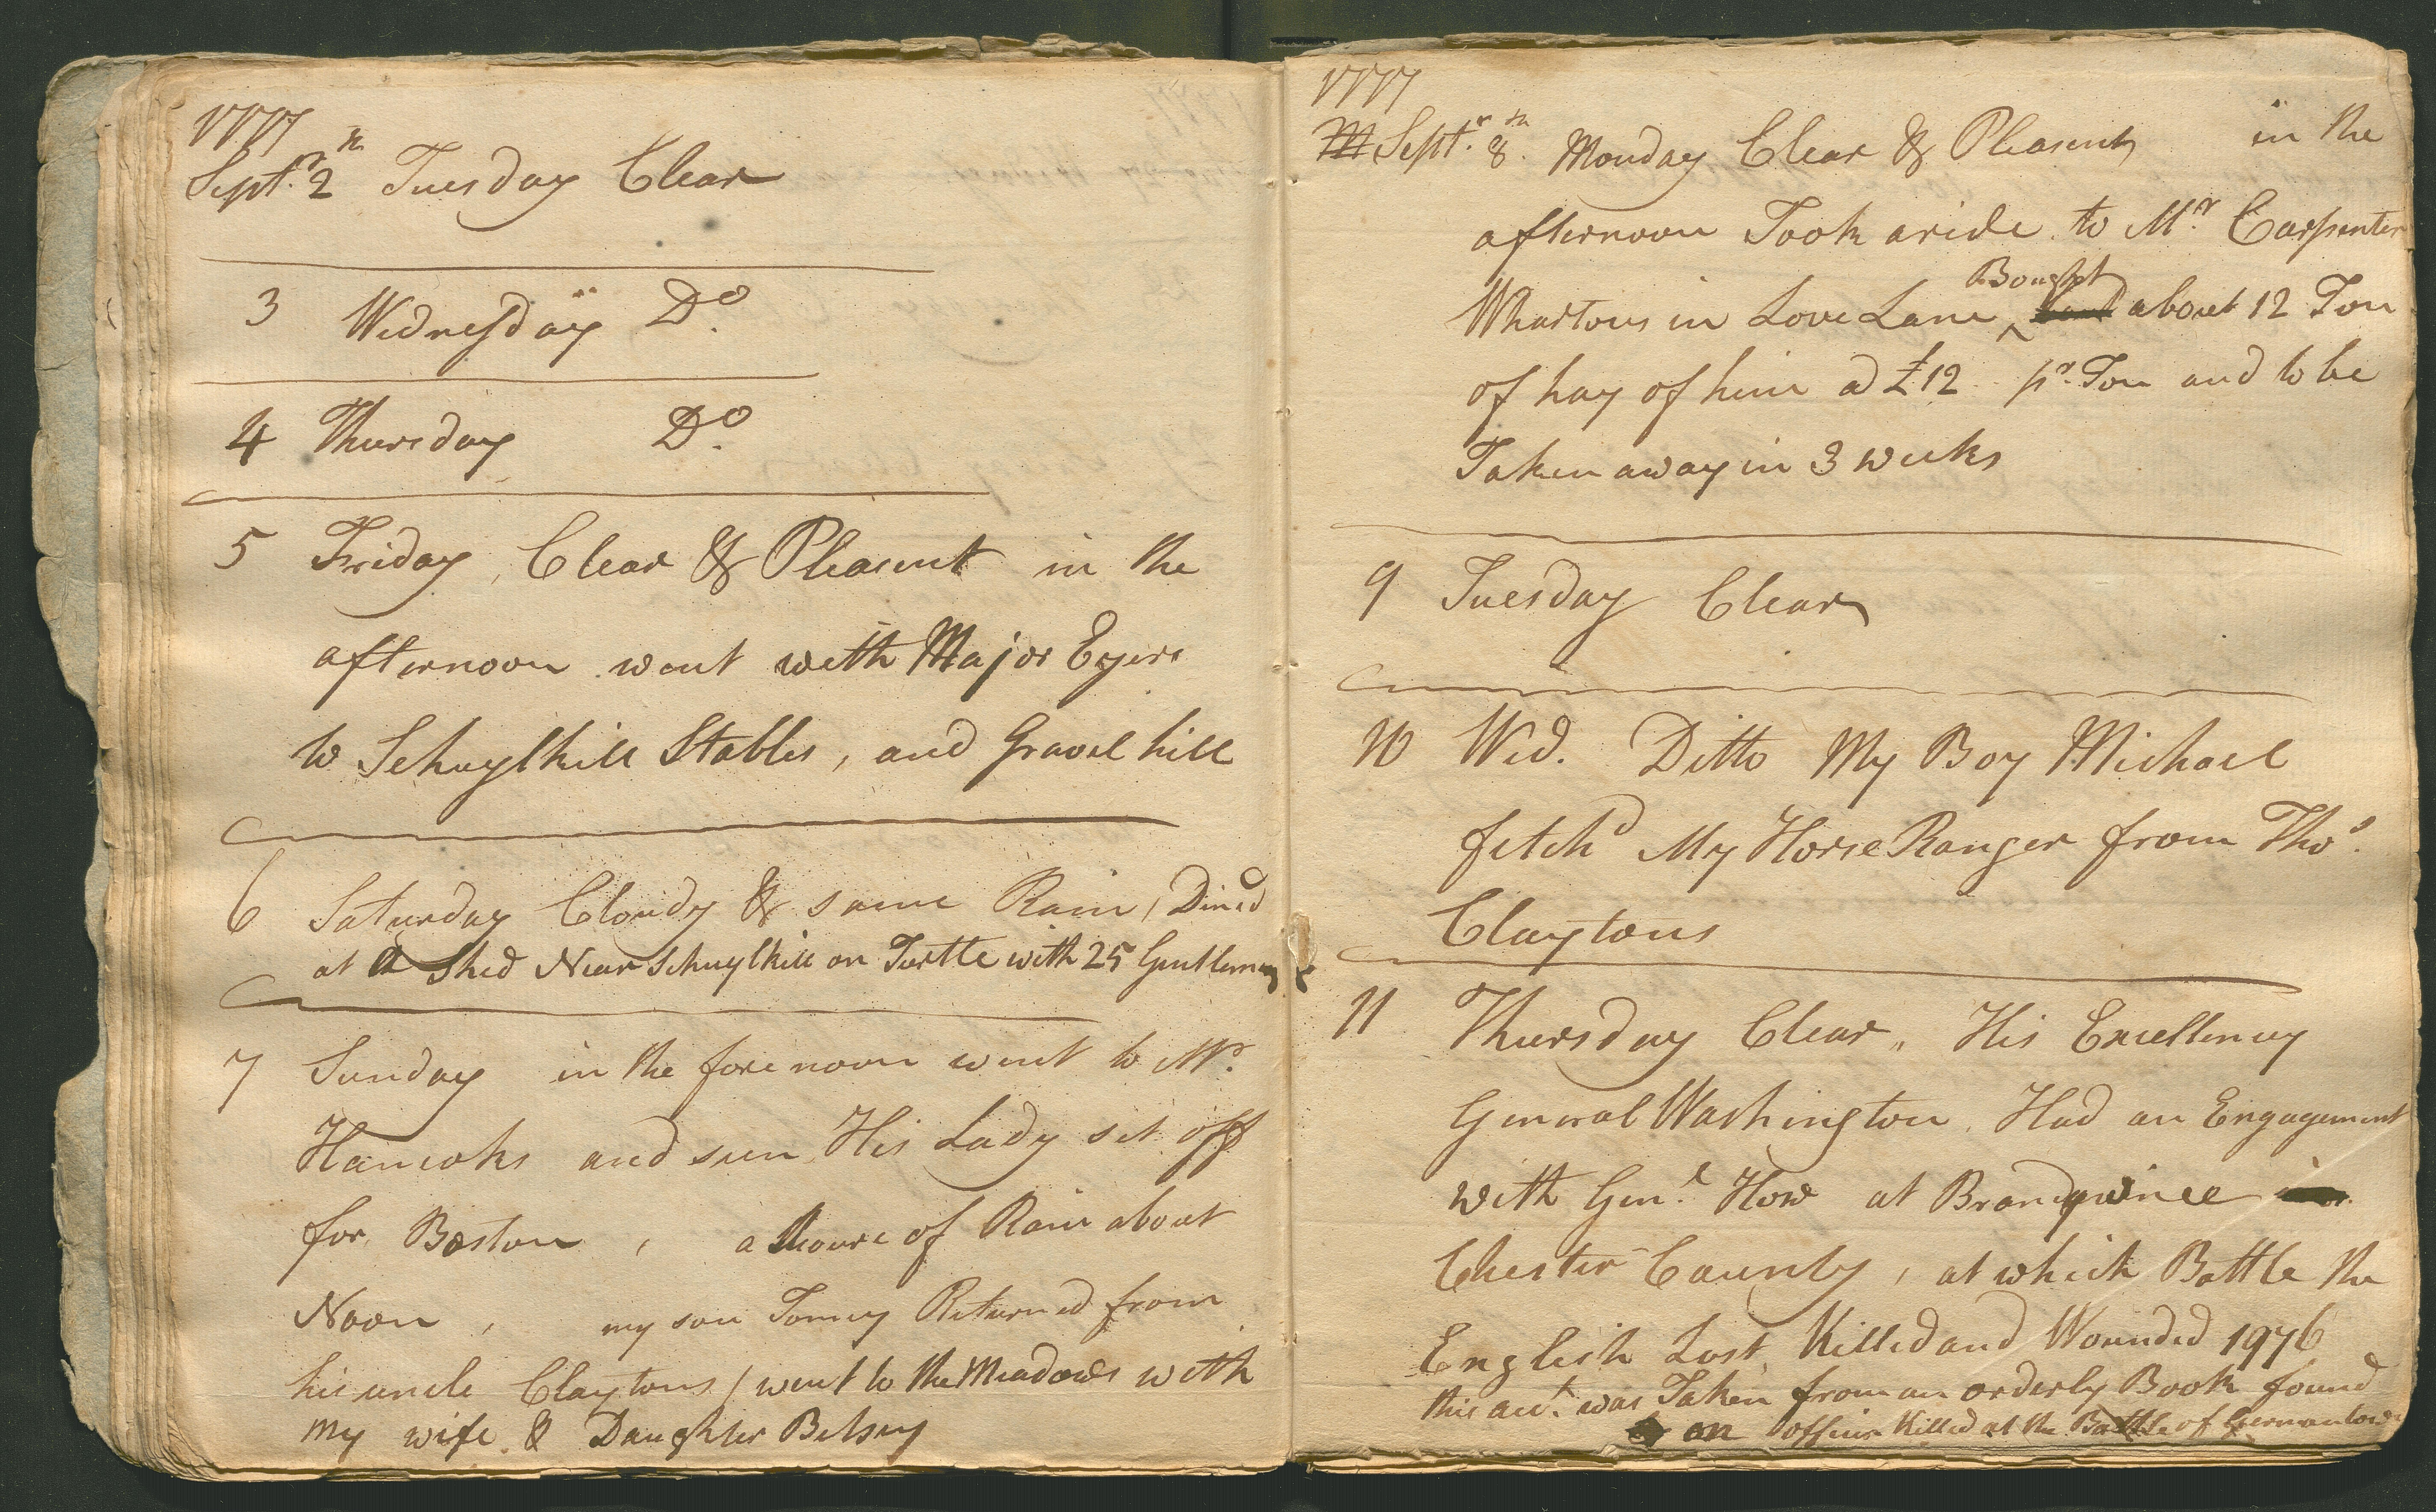1777
Sept^r. 2^th Tuesday Clear
3 Wednesday D^o.
4 Thursday D^o.
5 Friday Clear & Pleasent in the
afternoon went with Major Eyers
to Schuylkill Stables, and Gravel hill
6 Saturday Cloudy & same Rain, Dined
at A Shed Near Schuylkill on Turtle with 25 Gentlemen
7 Sunday in the forenoon went to M^r.
Hancoks and seen His Lady set off
for Boston, a Shoure of Rain about
Noon, my son Tomey Returned from
his uncle Claytons / went to the Meadows with
my wife & Daughter Betsey
1777
[_] Sept^r. 8^th. Monday Clear & Pleasent in the
afternoon Took a ride to M^r. Carpenter
Bought
Whartons in Love Lane, ^ [____] about 12 Ton
of hay of him @ £12 p^r. Ton and to be
Taken away in 3 weeks
9 Tuesday Clear
10 Wed. Ditto My Boy Michael
fetch^d My Horse Ranger from Tho^s.
Claytons
11 Thursday Clear, His Excelencey
General Washington, Had an Engagement
with Gen^l. How at Brandywine [___]
Chester County, at which Battle the
English Lost, Killed and Wounded 1976
this acc^t. was Taken from an orderly Book found
[by] an officer Killed at the Battle of Germantown